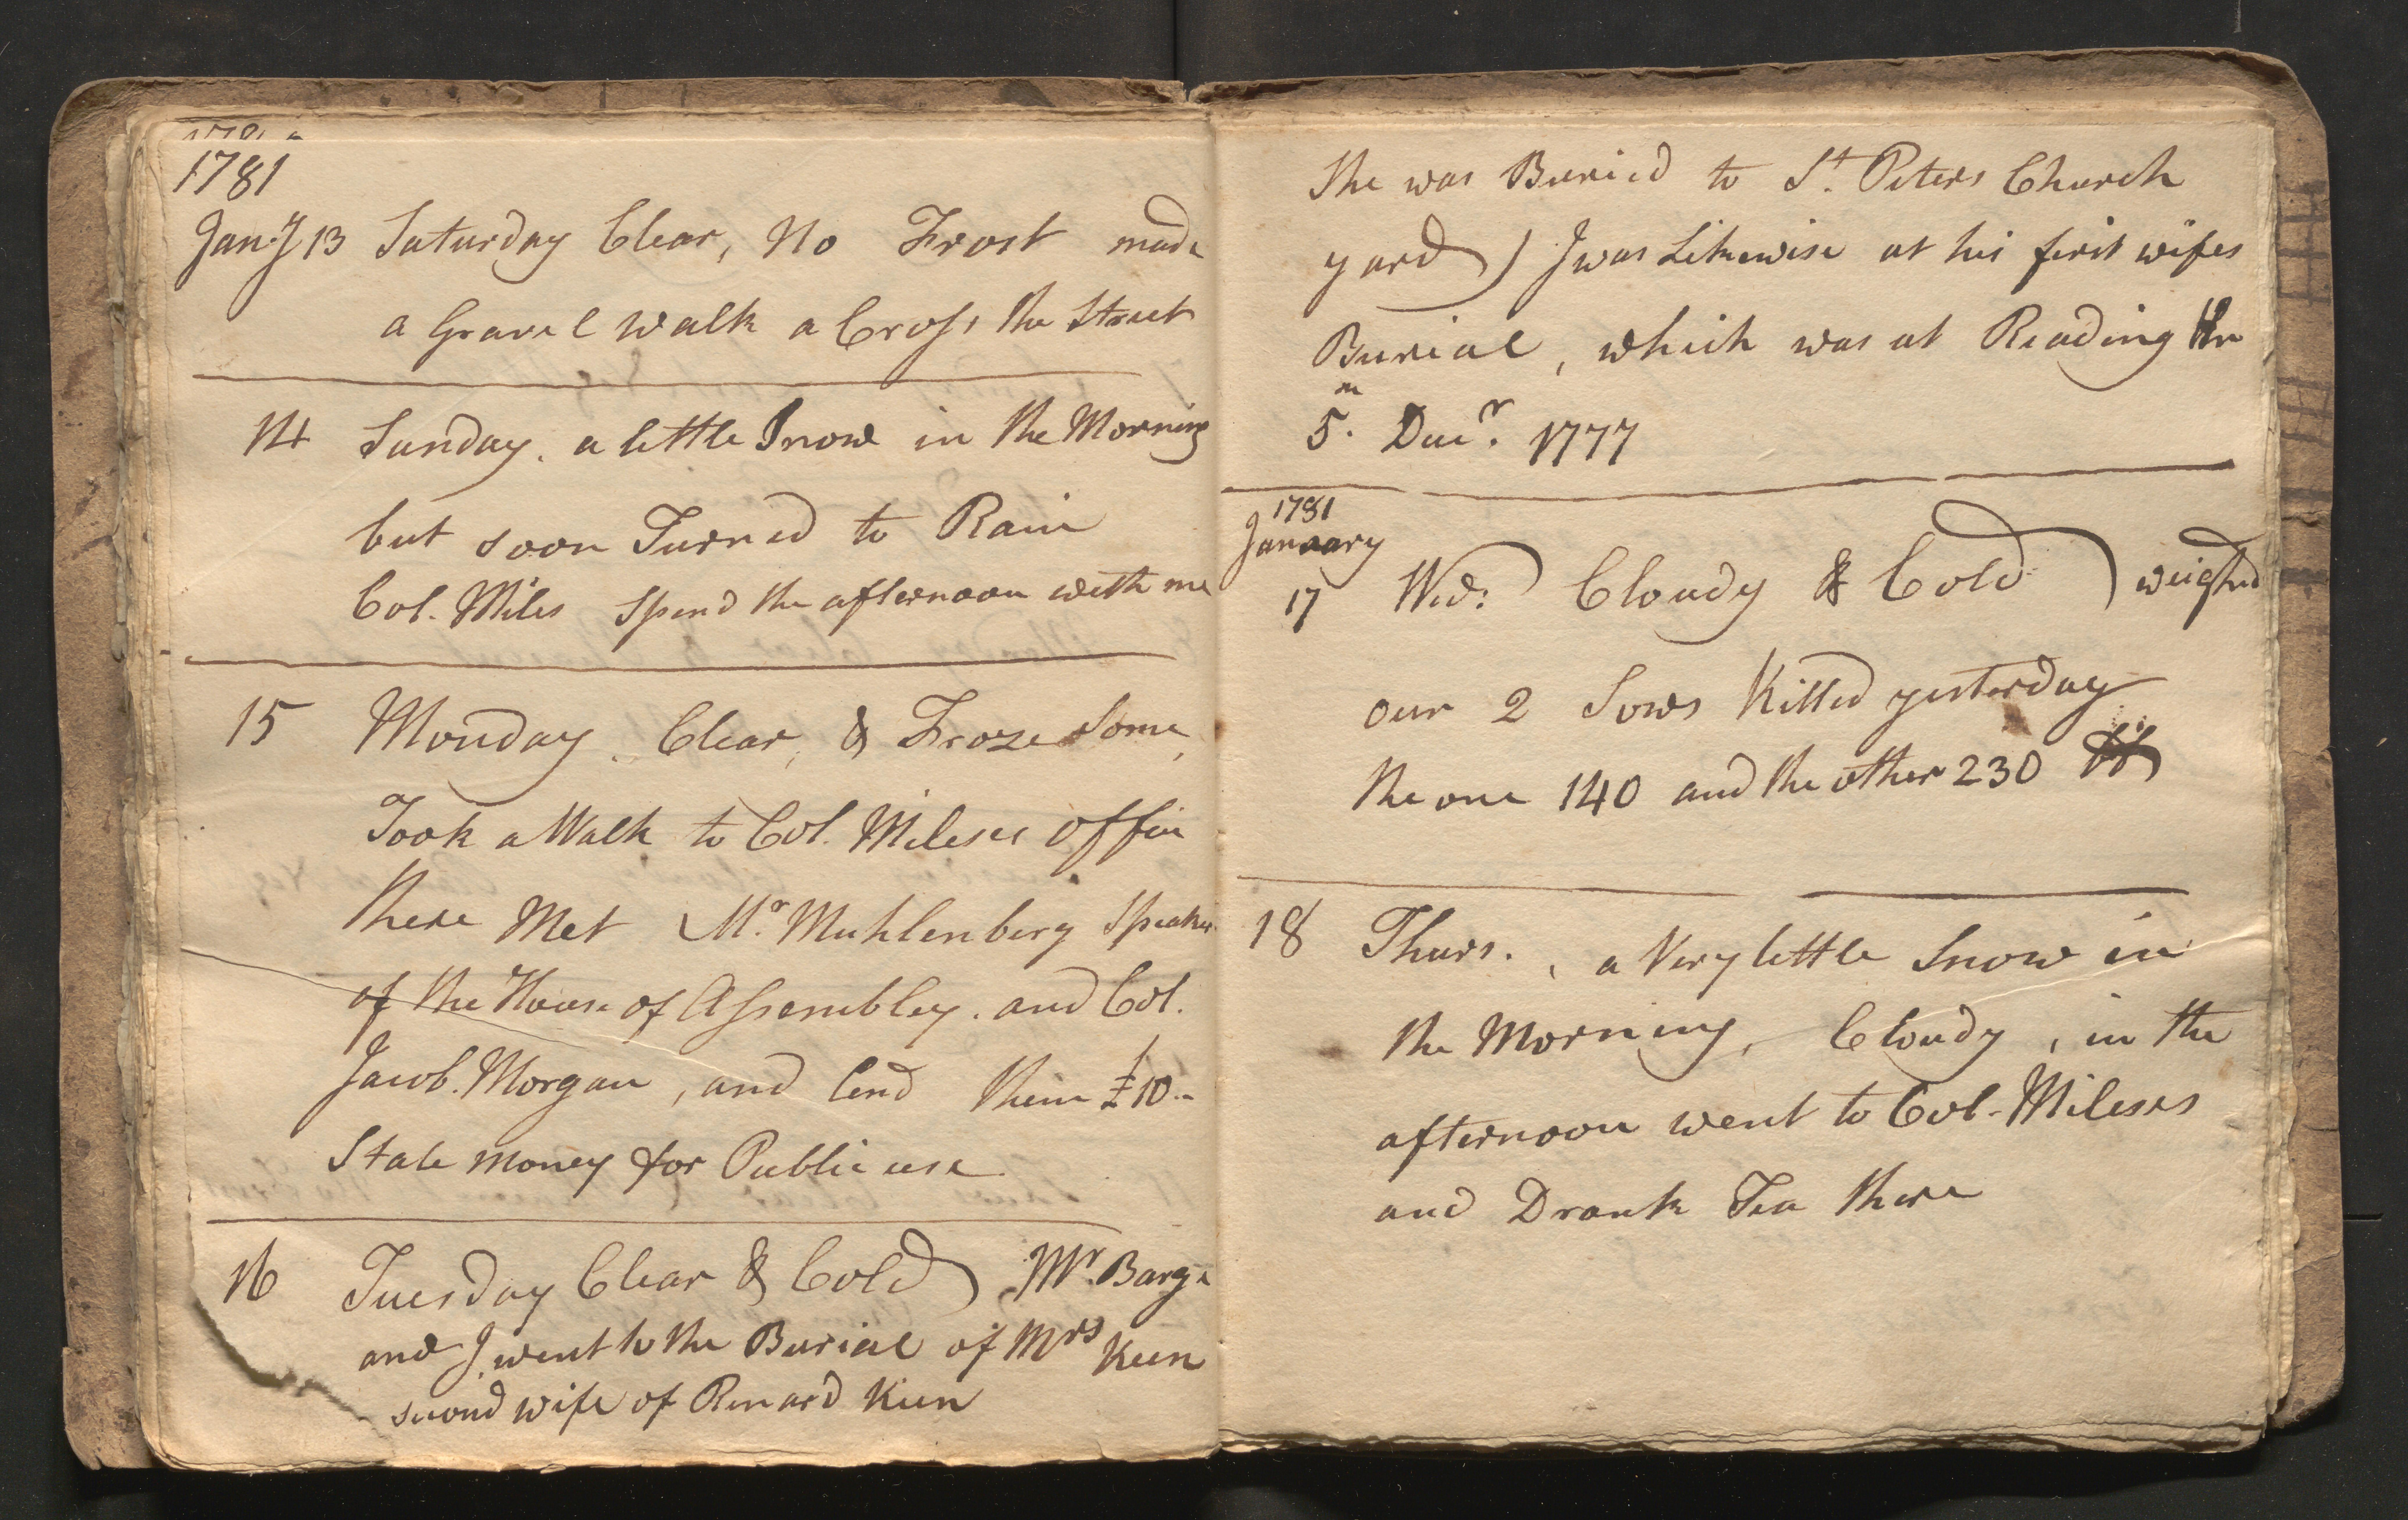1781
Jan^y. 13 Saturday Clear, No Frost made
a Gravel walk a Cross the Street
14 Sunday, a little snow in the Morning
but soon Turned to Rain
Col. Miles spend the afternoon with me
15 Monday Clear & Froze some
Took a Walk to Col. Mileses office
there Met M^r. Muhlenberg Speaks
of the House of Assembley. and Col.
Jacob. Morgan, and lend them £10.-
State Money for Public use
16 Tuesday Clear & Cold M^r. Barg
and I went to the Burial of M^rs Kun
second wife of Renard Kun
she was Buried to S^t. Peters Church
yard/ I was Likewise at his first wifes
Burial, which was at Reading the
5^th. Dece^r. 1777
1781
January
17 Wed: Cloudy & Cold. weighed
our 2 Sows Killed yesterday
the one 140 and the other 230 lb
8 Thurs. a Very little Snow in
the Morning, Cloudy, in the
afternoon went to Col. Mileses
and Drank Tea there